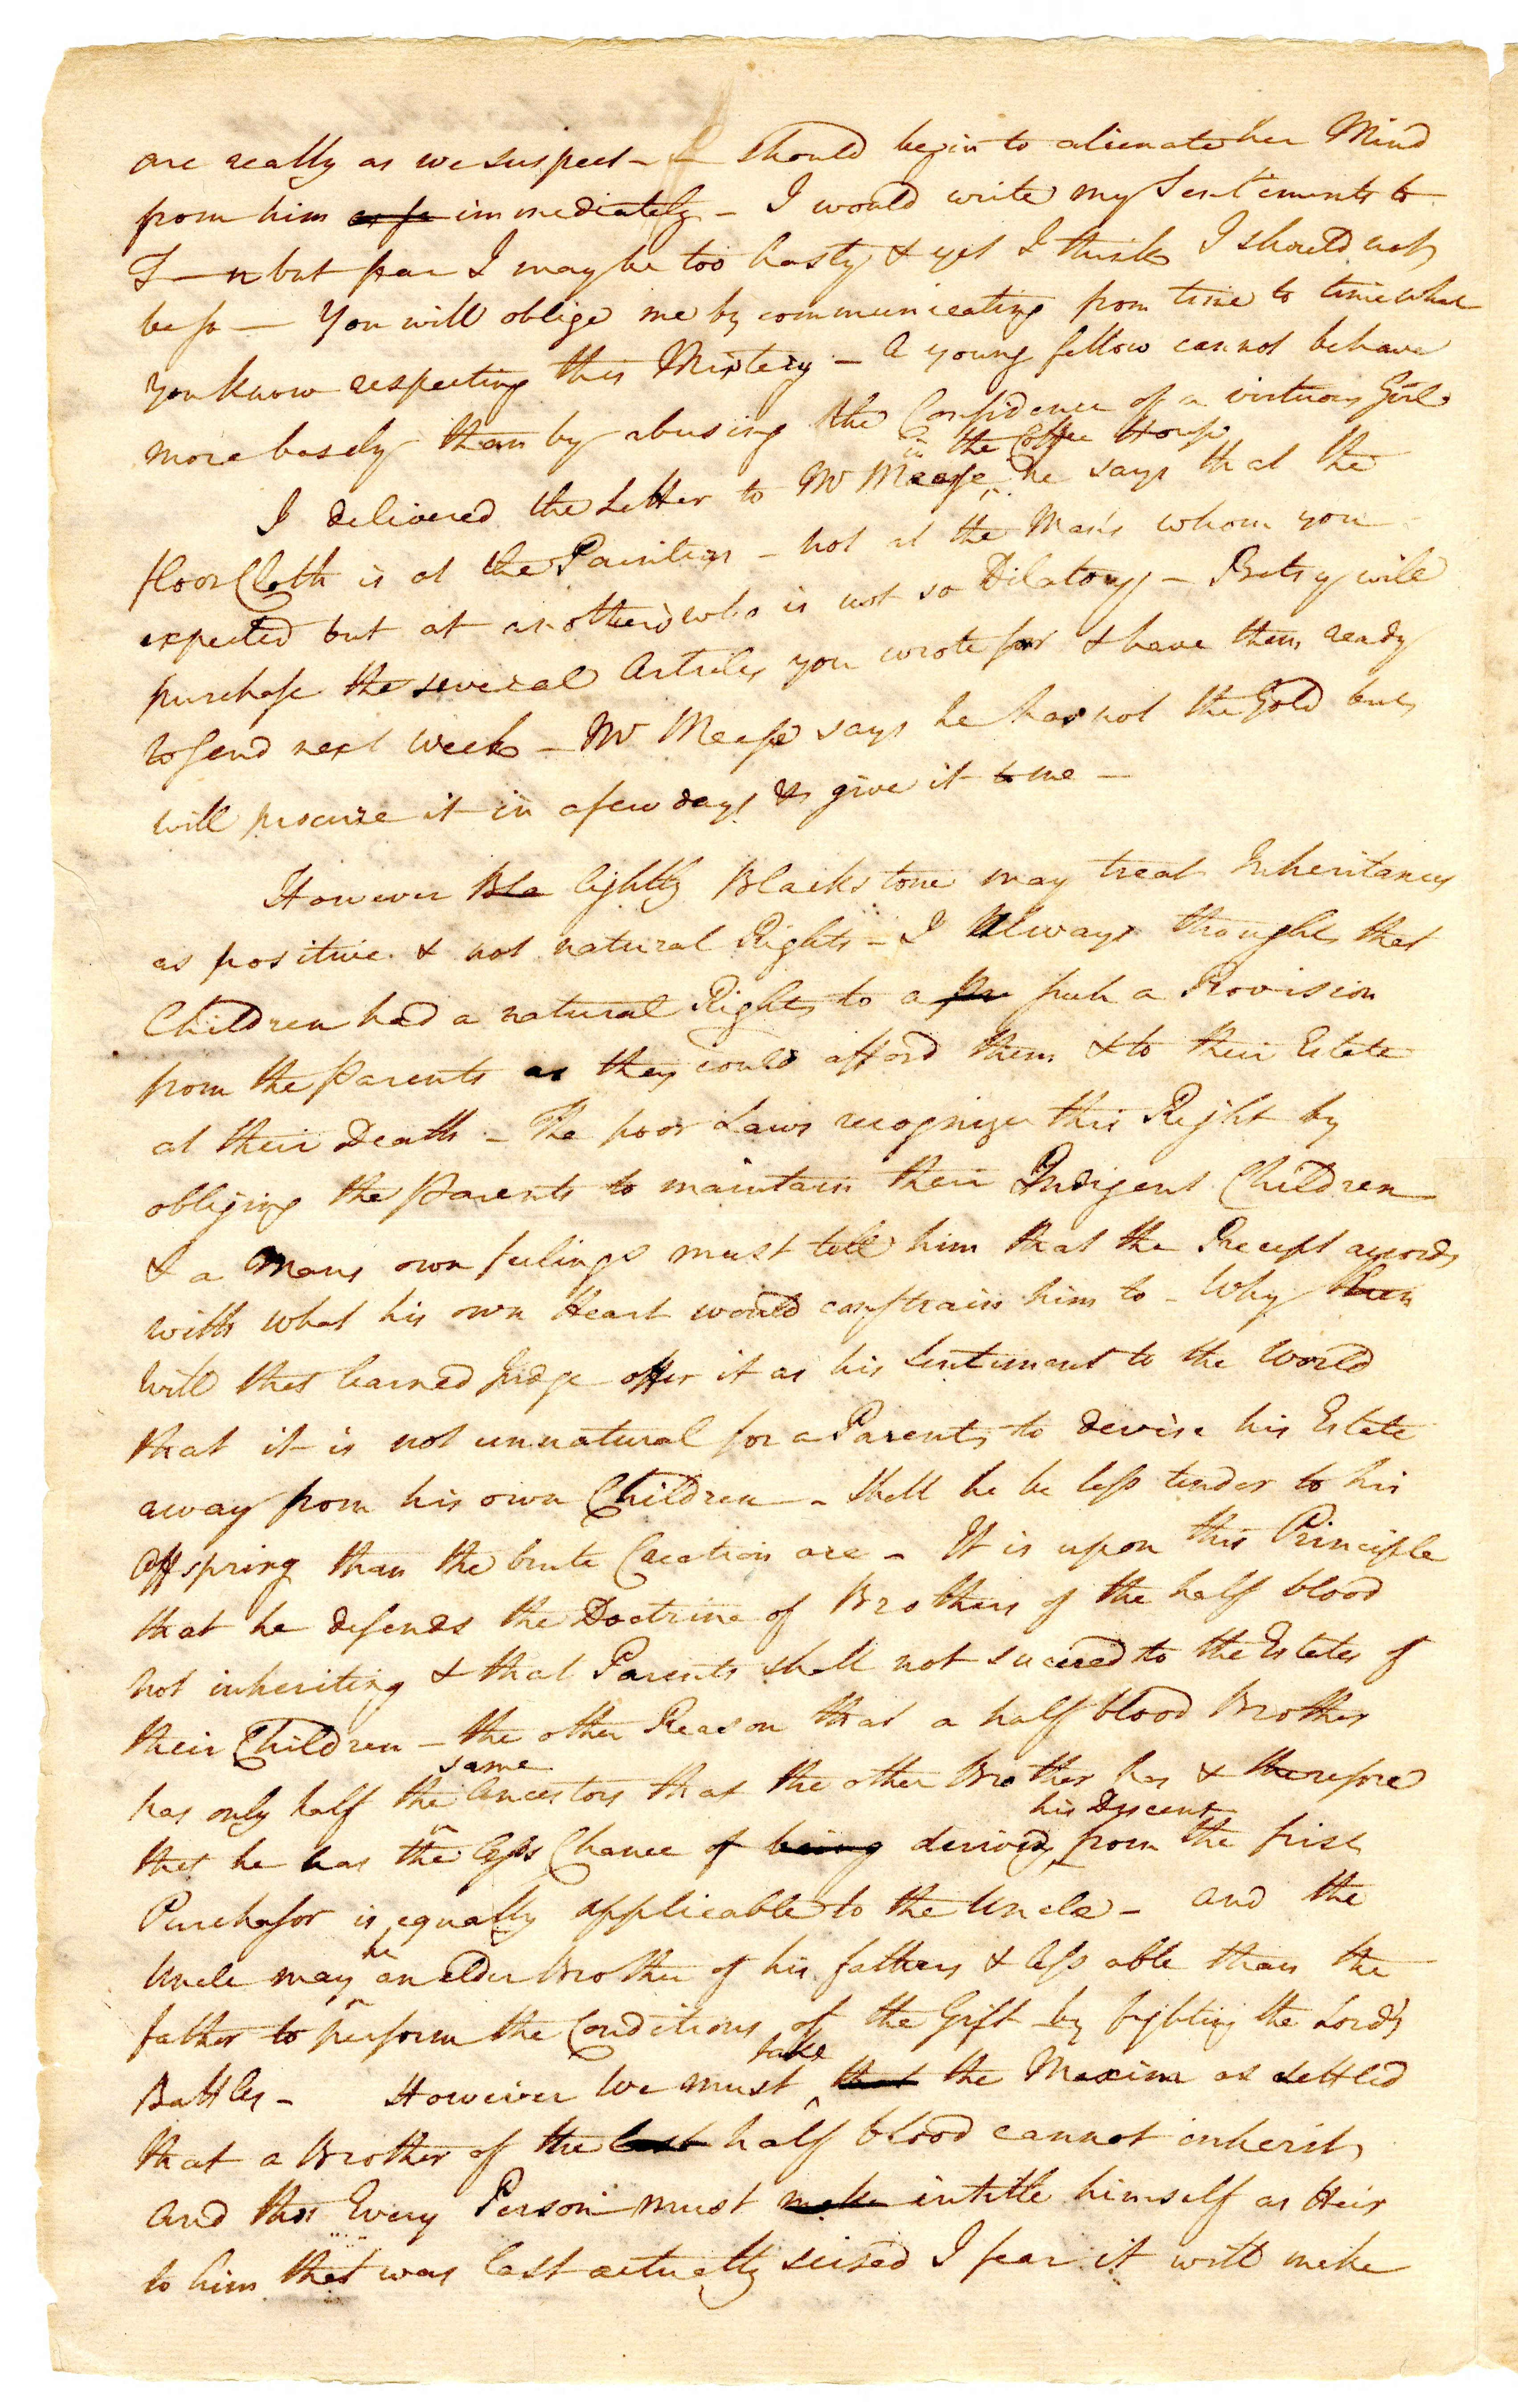are really as we suspect- should begin to alienate her Mind
from him [or fe] immediately. I would write my Sentiments &
T-n but for I may be too hasty & yet I think I should not
be so. You will oblige me by communicating from time to time what
you know respecting this Mistery. A young fellow cannot behave
more basely than by abusing the Confidence of a virtuous Girl
in the Coffee House
I delivered the Letter to M^r Mease ^ he says that the
floor Cloth is at the Painters- not at the Man's whom you
expected but at another's who is just so Dilatoy. Betsy will
purchase the several Articles you wrote for & have them, ready
to send next week. M^r Mease says he has not the Gold but
will procure it in a few days & give it to me
However M^r lightly Blackstone may treat Inheritance
as positive & not natural Rights- I Always thought that
Children had a natural Rights to a fre such a Provision
from the parents as they could afford them & to their Estate
at their Deaths. The poor Laws recognize this Right by
obliging the Parents to maintain their Indigent Children
& a mans own feelings must tell him that the Precept accords
with what his own Heart would constrain him to. Why then
will that learned Judge offer it as his Sentiment to the world
that it is not unnatural for a Parent to devise his Estate
away from his own Children. shall he be less tender to his
offspring than the brute Creation are- It is upon this Principle
that he defends the Doctrine of Brothers of the half blood
not inheriting & that Parents shall not suceed to the Estates of
their Children- the other Reason that a half blood Brother
same
has only half the ^ Ancestors that the other Brother has & therefore
his Descent
that he has the less Chance of being derived ^ from the first
Purchasor is equally applicable to the Uncle- and the
be
Uncle may ^ an elder brother of his fathers & Also able than the
father to perform the Conditions of the Grift by fighting the Lords
Battles. However we must ^ that the Maxim as Settled
take
that a Brother of the last half blood cannot inherit
and this Every Person must make intitle himself as Heir
to him that was last actually seised I fear it will make